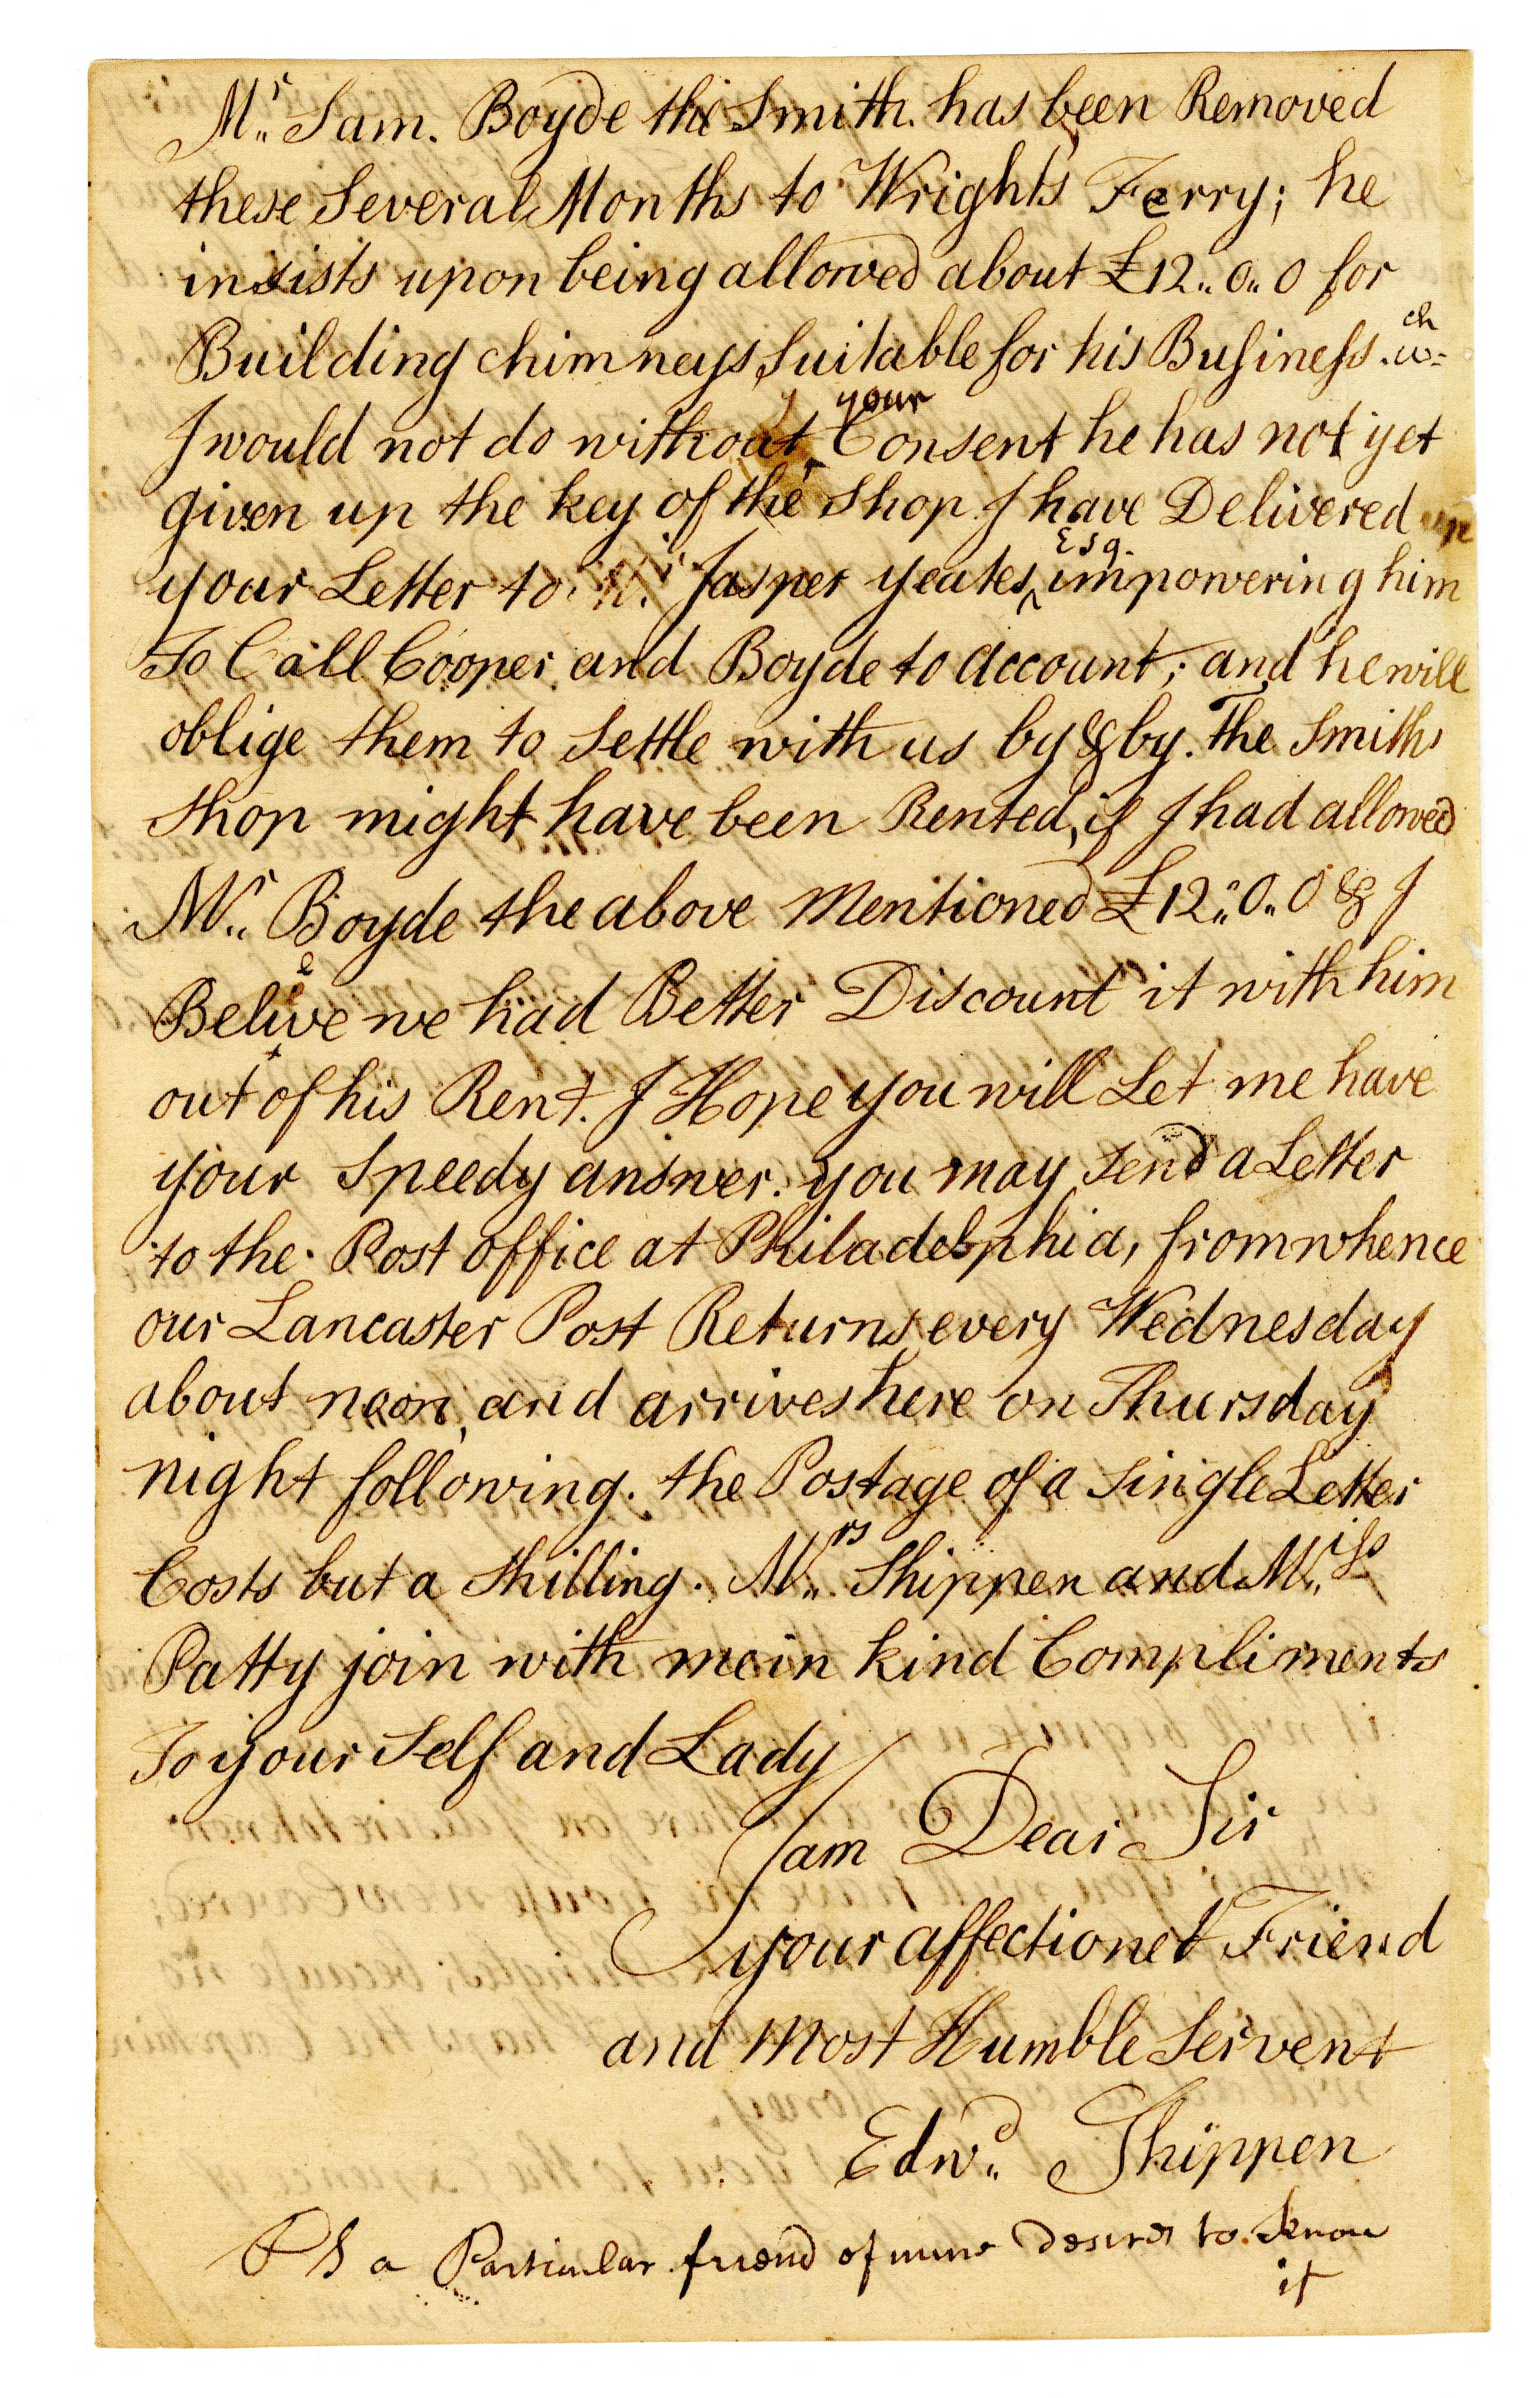M^r,, Sam. Boyde the Smith has been Removed
these Several Months to Wright's Ferry; he
insists upon being allowed about £12..0..0 for
ch
Building chimneys Suitable for his Business. w-
your
I would not do without ^ Consent he has not yet
given up the key of the shop. I have Delivered [up]
Esq.
your Letter fo M^r. Jasper Yeates ^ impowering him
To Call Cooper and Boyde to Account; and he will
oblige them to Settle with us by & by. The Smith
shop might have been Rented, if I had allowed
M^r.. Boyde the above Mentioned £12..0..0 & I
e
Belive we had Better Discount it with him
out of his Rent. I Hope you will Let me have
Your Speedy answer: you may send a Letter
to the Post office at Philadelphia, from whence
our Lancaster Post Returns every Wednesday
about noon and arrives here on Thursday
night following. the Postage of a Single Letter
Costs but a Shilling. M^rs. Shippen and M^iss.
Patty join with me in kind Compliments
To your Self and Lady
I am Dear Sir
Your affectionet Friend
and Most Humble Servent
Edw^d. Shippen
PS a Particular friend of mine desires to know
if